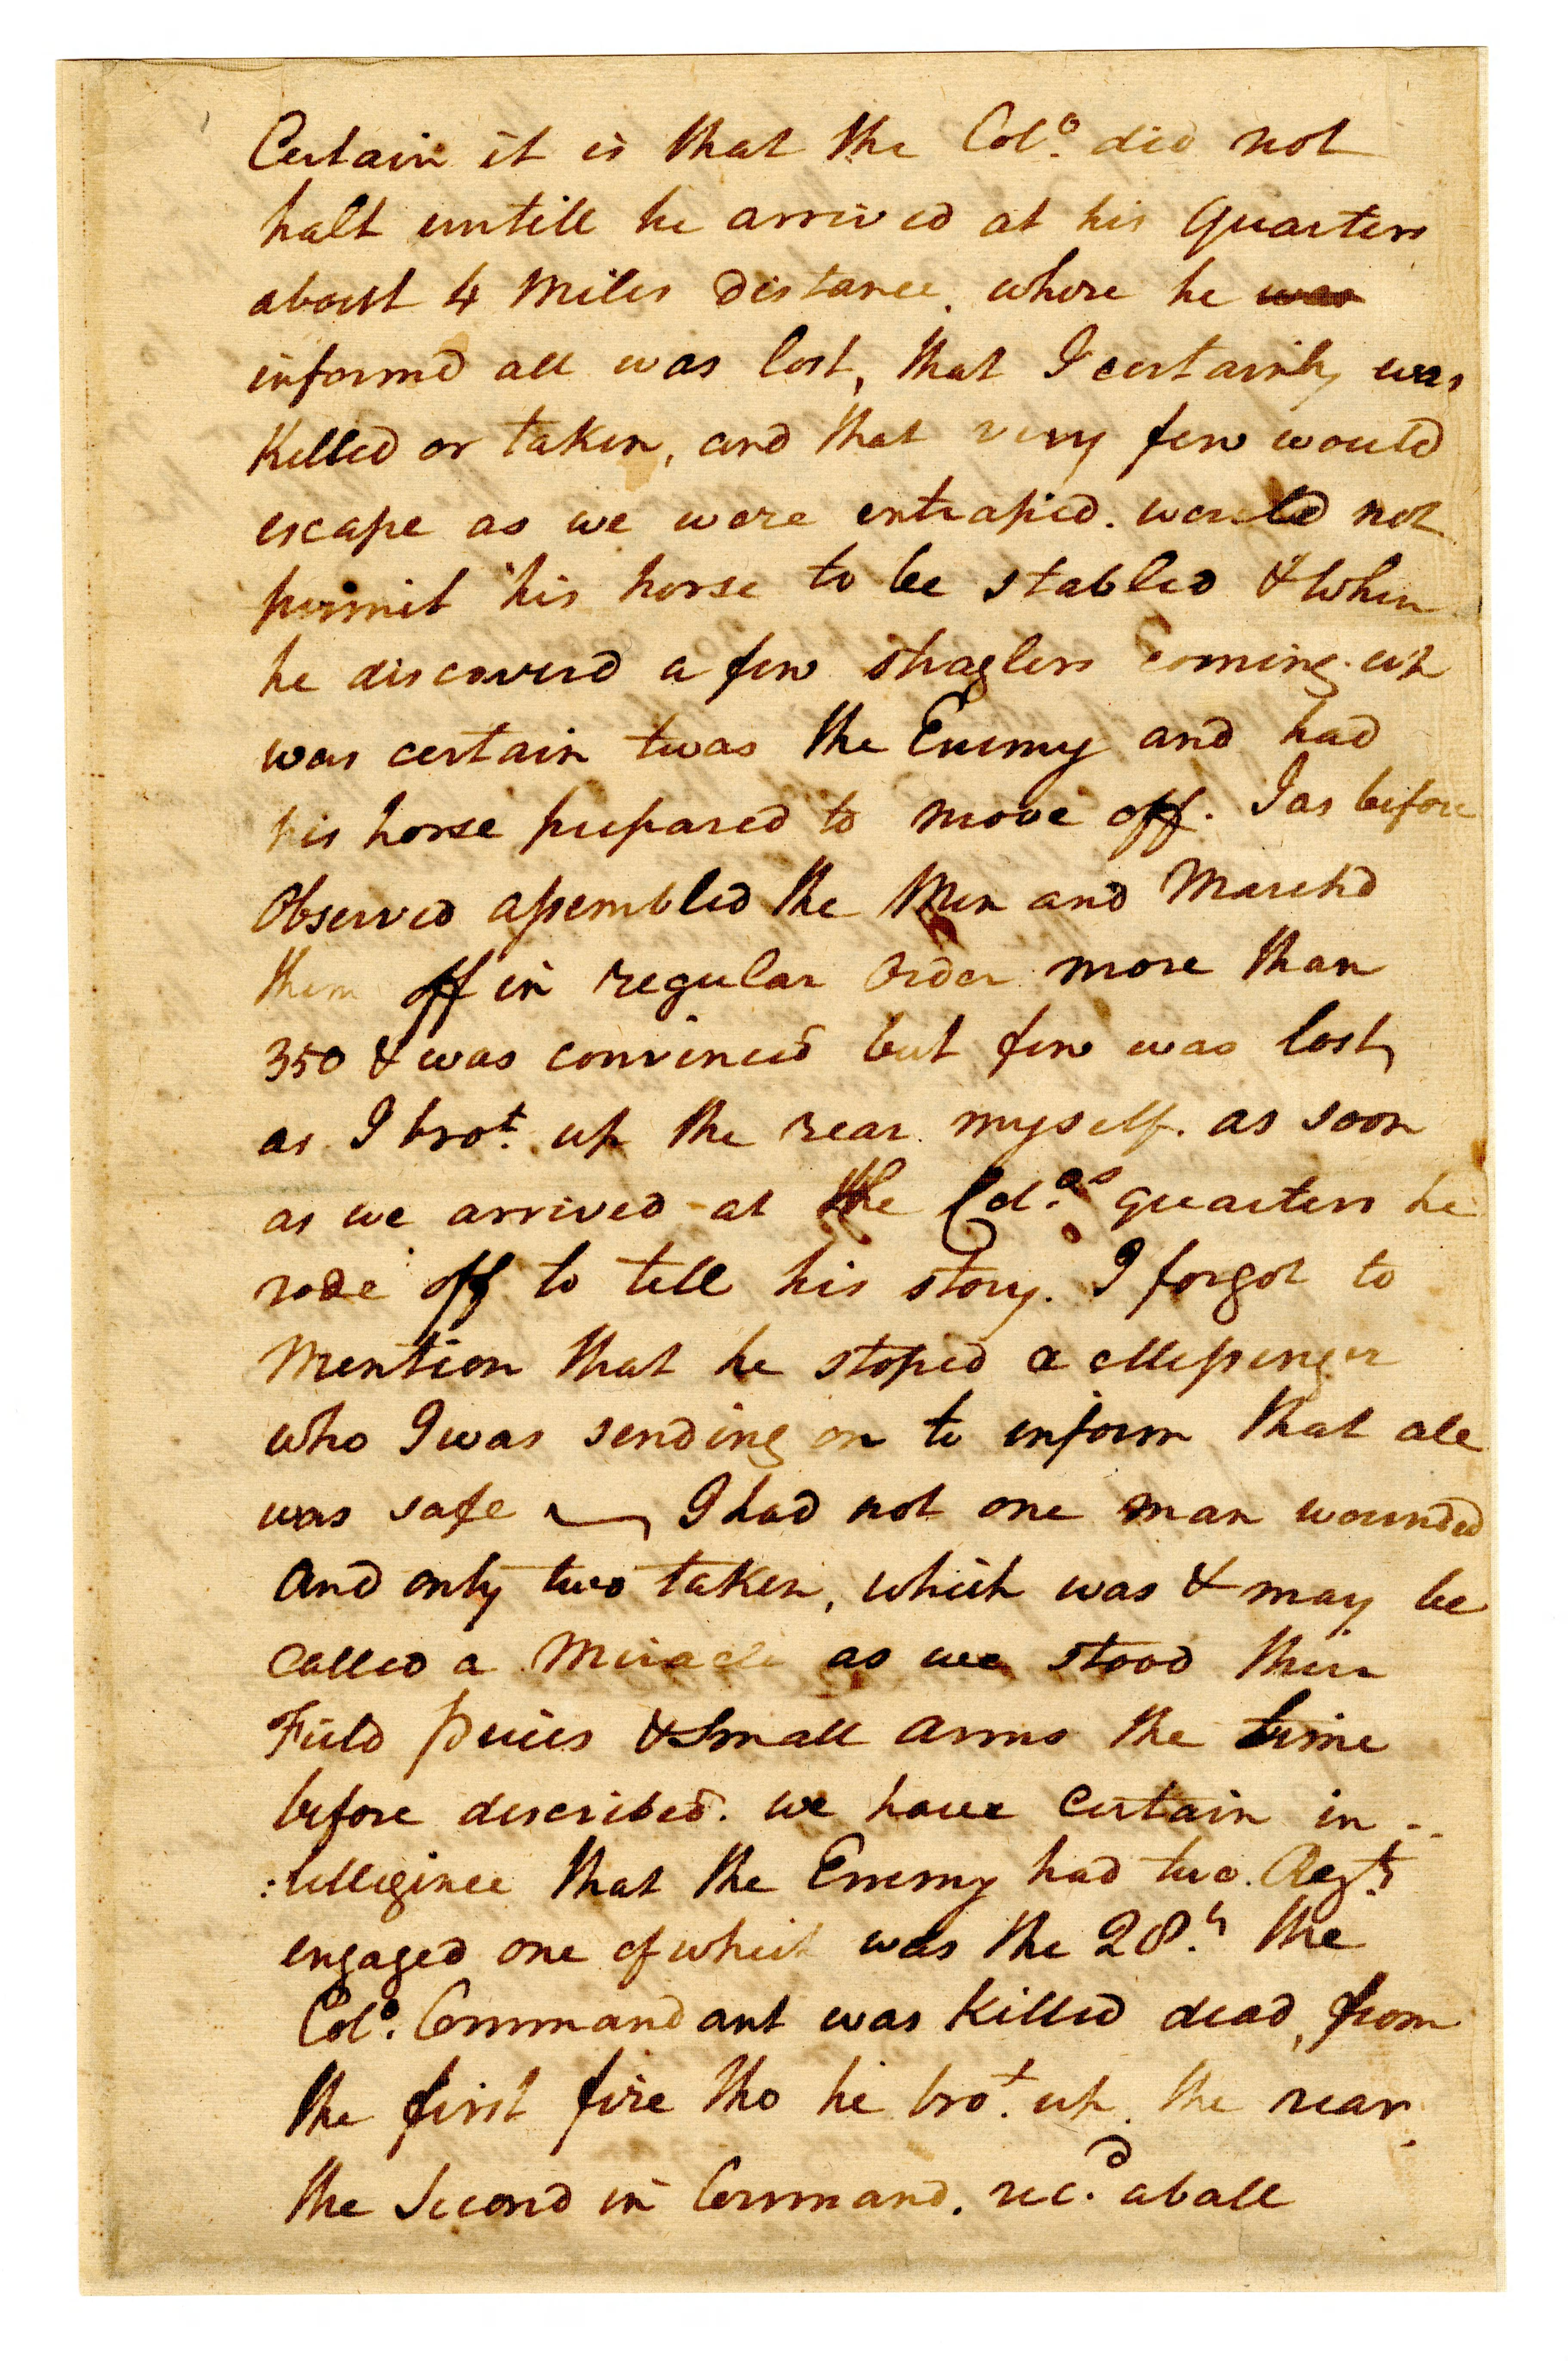Certain it is that the Col^o. did not
halt untill he arrived at his quarters
about 4 Miles distance where he [was]
informd all was lost, that I certainly was
Killed or taken, and that very few would
escape as we were entraped. would not
permit his horse to be stabled & when
he discovered a few straglers coming up
was certain twas the Enemy and had
his horse prepared to move off. I as before
Observed assembled the Men and Marchd
them off in regular order more than
350 & was convinced but few was lost
as I bro^t. up the rear myself. as soon
as we arrived at the Col^os. quarters he
rode off to tell his story. I forgot to
Mention that he stoped a Messenger
who I was sending on to inform that all
was safe- I had not one man wounded
and only two taken, which was & may be
called a Miracle as we stood their
Field Pieces & Small arms the time
before described. we have certain in-
-telligence that the Enemy had two Reg^ts.
engaged one of which was the 28^h. the
Col^o. Commandant was killed dead, from
the first fire tho he bro^t. up the rear
the Second in Command. rec^d. aball